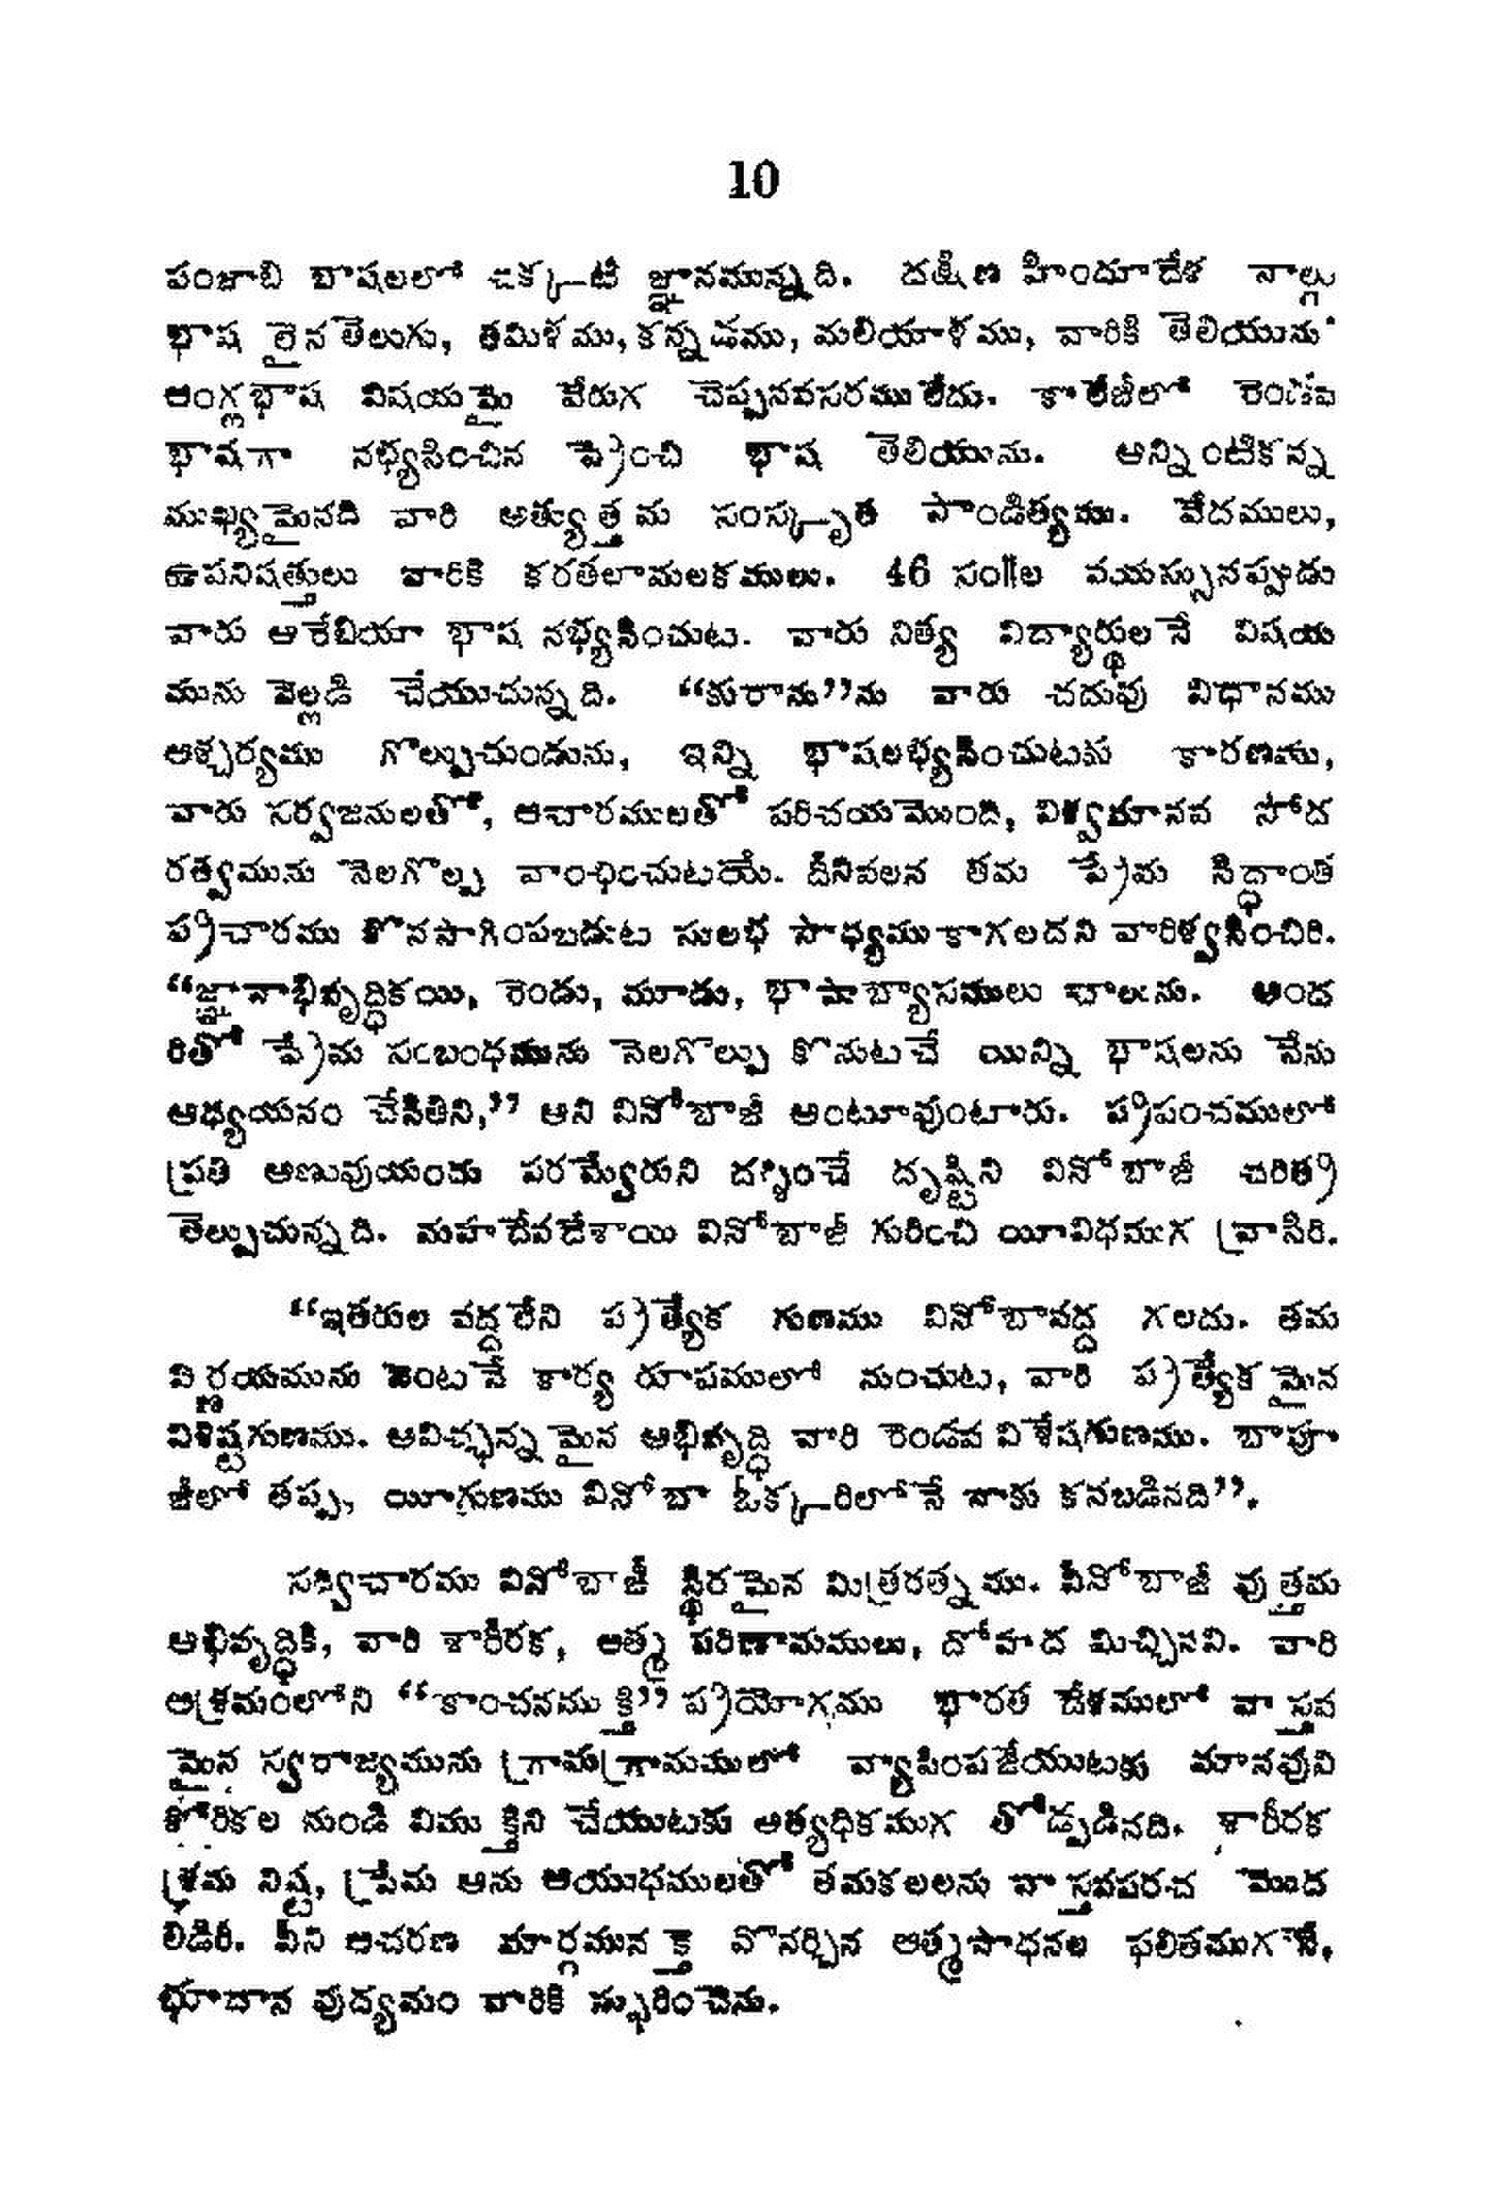పంజాబి బాషలలో చక్కటి జ్ఞానమున్నది. దక్షిణ హిందూదేశ నాల్గు భాష లైన తెలుగు, తమిళము, కన్నడము, మలియాళము, వారికి తెలియును. ఆంగ్లభాష విషయమై వేరుగ చెప్పనవసరములేదు. కాలేజీలో రెండవ భాషగా సభ్యసించిన ప్రెంచి భాష తెలియును. అన్నింటికన్న ముఖ్యమైనది వారి అత్యుత్తమ సంస్కృత సాండిత్యము. వేదములు, ఉపనిషత్తులు వారికి కరతలామలకములు. 46 సం||ల వయస్సునప్పుడు వారు ఆరేబియా భాష నభ్యసించుట. వారు నిత్య విద్యార్థుల నే విషయమును వెల్లడి చేయుచున్నది. "కురాను"ను వారు చదువు విధానము ఆశ్చర్యము గొల్పుచుండును, ఇన్ని భాషలభ్యసించుటకు కారణము, వారు సర్వజనులతో, ఆచారములతో పరిచయమొంది, విశ్వమానవ సోదరత్వమును నెలకొల్ప వాంఛించుటయే. దీనివలన తమ ప్రేమ సిద్ధాంత ప్రచారము కొనసాగింపబడుట సులభ సాధ్యముకాగలదని వారిశ్వసించిరి. "జ్ఞానాభివృద్ధికయి, రెండు, మూడు, భాషాబ్యాసములు చాలును. అందరితో ప్రేమ సంబంధమును నెలగొల్పు కొనుటచే యిన్ని భాషలను నేను ఆధ్యయనం చేసితిని," అని వినోబాజీ అంటూవుంటారు. ప్రపంచములో ప్రతి అణువుయందు పరమ్వేరుని దర్శించే దృష్టిని వినోబాజీ చరిత్ర తెల్పుచున్నది. మహదేవదేశాయి వినోబాజీ గురించి యీవిధముగ వ్రాసిరి.

"ఇతరుల వద్దలేని ప్రత్యేక గుణము వినోబావద్ద గలదు. తమ విర్ణయమును వెంటనే కార్య రూపములో నుంచుట, వారి ప్రత్యేకమైన విశిష్టగుణము. అవిచ్ఛన్న మైన అభివృద్ధి వారి రెండవ విశేషగుణము. బాపూజీలో తప్ప, యీగుణము వినోబా ఓక్కరిలోనే నాకు కనబడినది".

సద్విచారము వినోబాజీ స్థిరమైన మిత్రరత్నము. వినోబాజీ వుత్తమ అభివృద్ధికి, వారి శారీరక, ఆత్మ పరిణామములు, దోహద మిచ్చినవి. వారి ఆశ్రమంలోని "కాంచనముక్తి" ప్రయోగము భారత దేశములో వాస్తవమైన స్వరాజ్యమును గ్రామగ్రామములో వ్యాపింపజేయుటకు మానవుని కోరికల నుండి విముక్తిని చేయుటకు అత్యధికముగ తోడ్పడినది. శారీరక శ్రమ నిష్ట, ప్రేమ అను ఆయుధములతో తమకలలను వాస్తవపరచ మొదలిడిరి. వీని ఆచరణ మార్గమునకై వొనర్చిన ఆత్మసాధనల ఫలితముగనే, భూదాన వుద్యమం వారికి స్ఫురించెను.